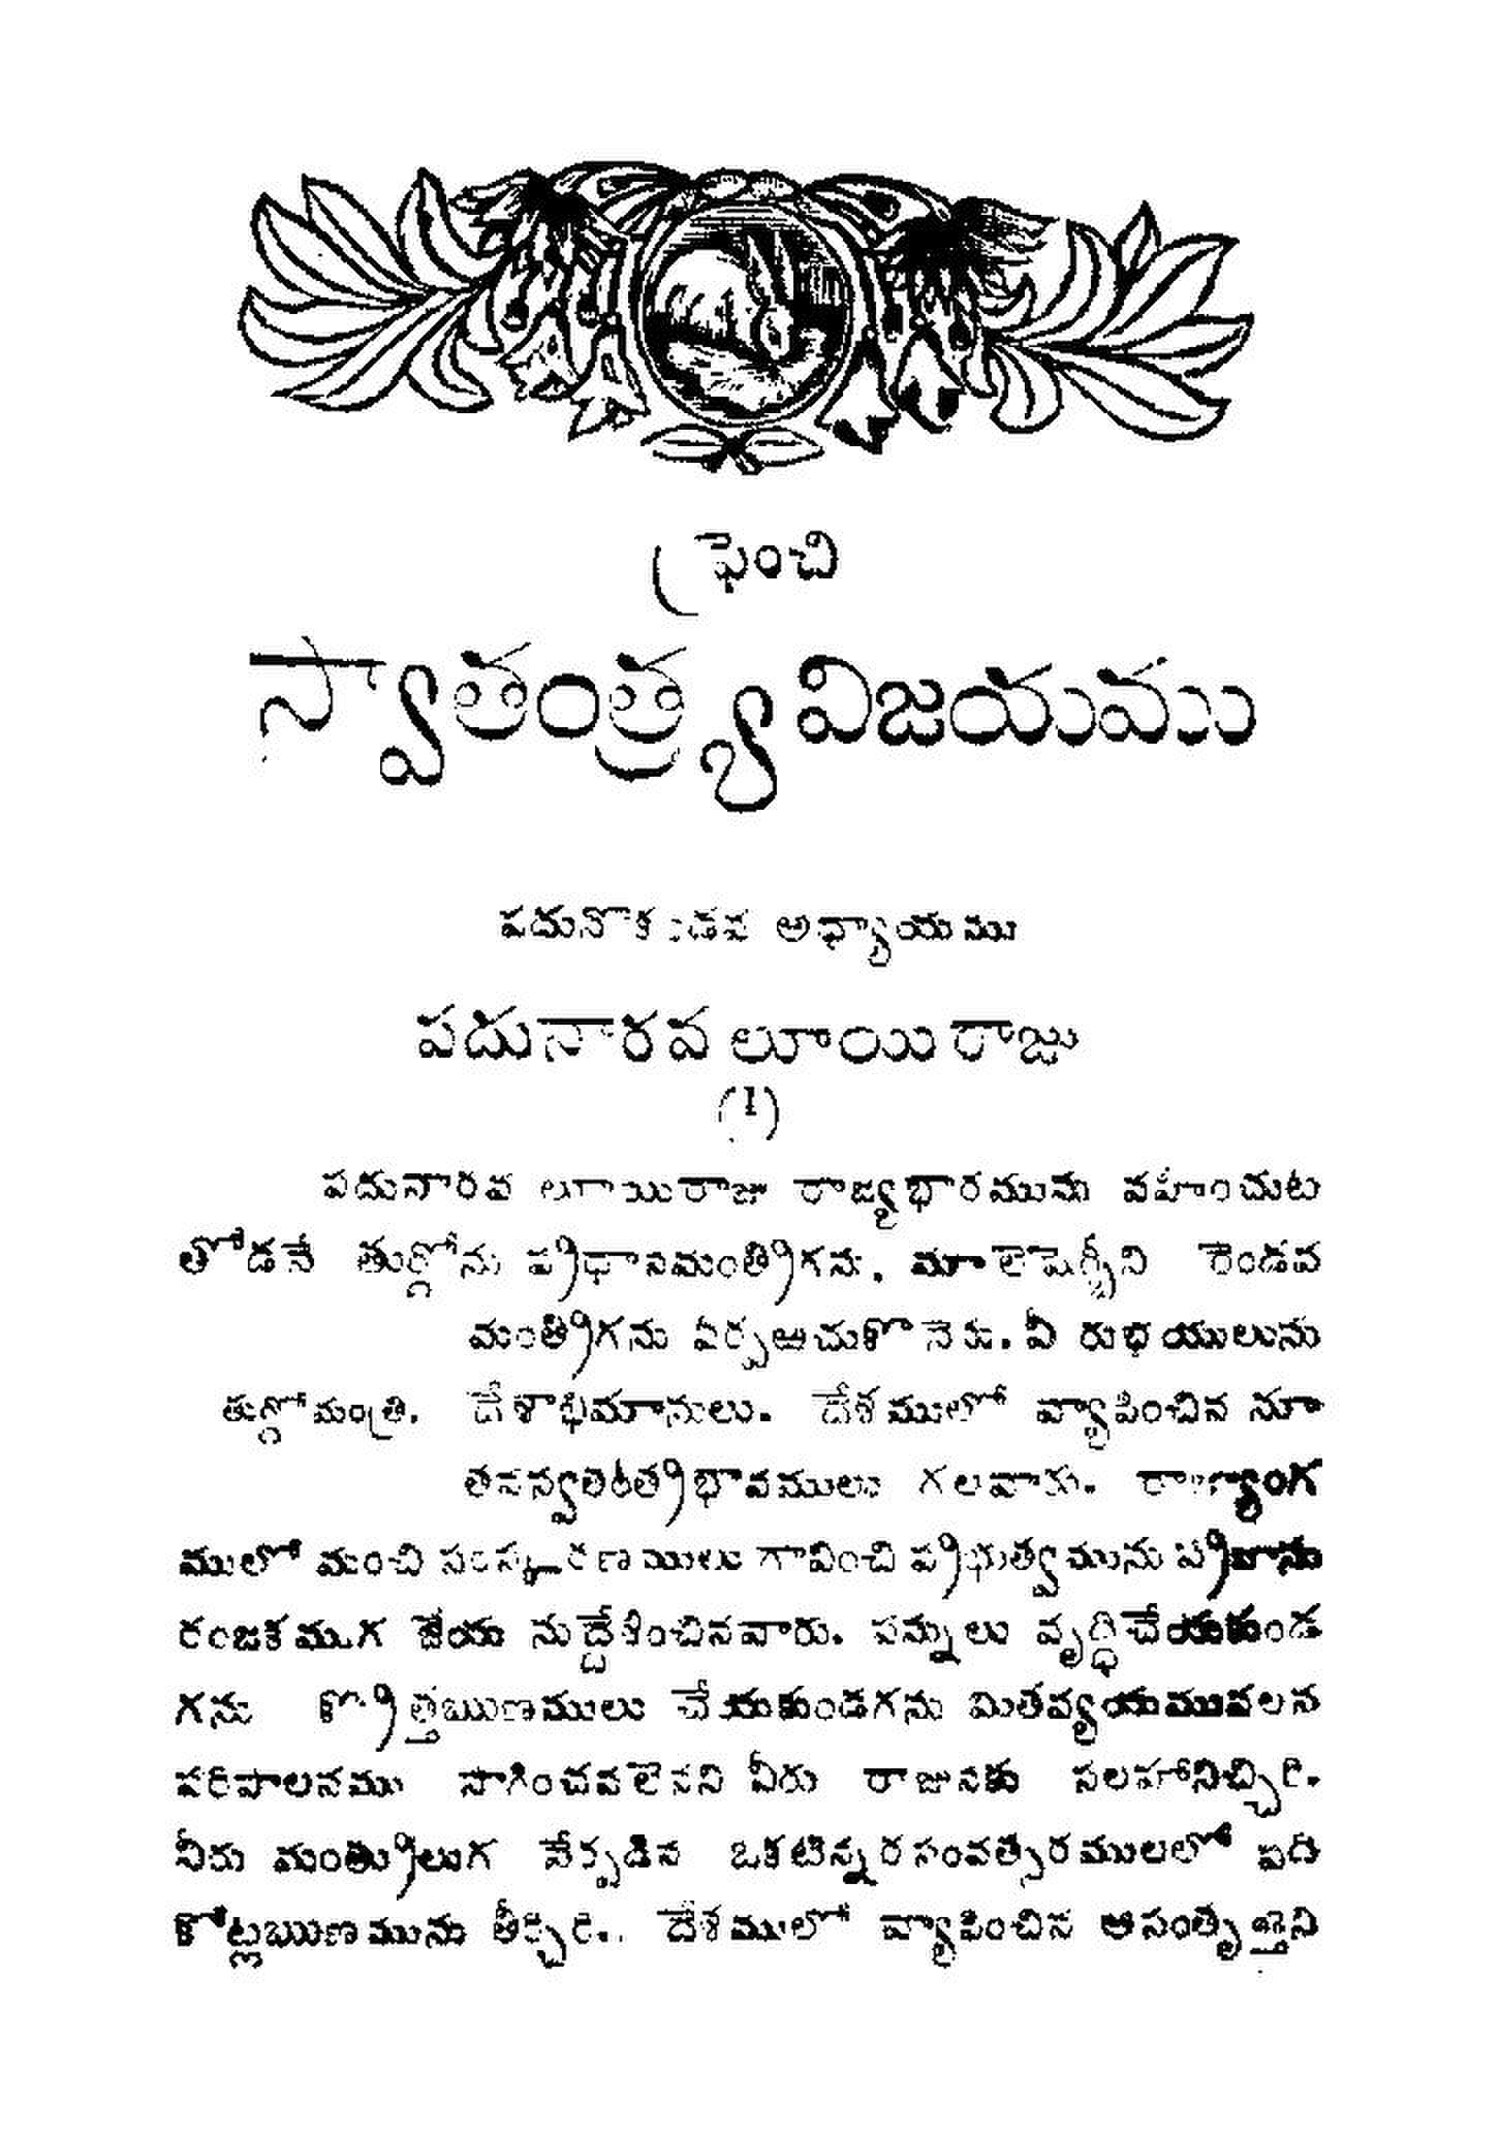తుర్గో మంత్రి, 

పదునారవ యిరాజు రాజ్యభారమును వహించుట
తోడనే తుర్గోగను ప్రధానమంత్రిగను , మాలె షెర్బీని రెండవ
మంత్రిగను ఏర్పజుచుకొనెను, వీరుభయులును
దేశాభిమానులు. దేశములో వ్యాపించిన
నూతన స్వతంత్ర భావములు గలవారు. ర్యాంగ
ములో మంచి సంస్కరణము గావించి 
ప్రముత్వమును ప్రభాను రంజకముగ జేయ నుద్దేశించినవారు. పన్నులు వృద్ధి చేయకుండ
గసు కొత్తఋణములు చేయకుండగను. మితవ్యయమువలన పరిపాలనము
సాగించవలెనని వీరు రాజునకు సలహానిచ్చిరి.
వీరు మంత్రులుగ నేర్పడిన ఒక టిన్నర సంవత్సరములలో పది
కోట్లఋణమును తీర్చి... దేశములో వ్యాపించిన ఆ సంతృత్తిని